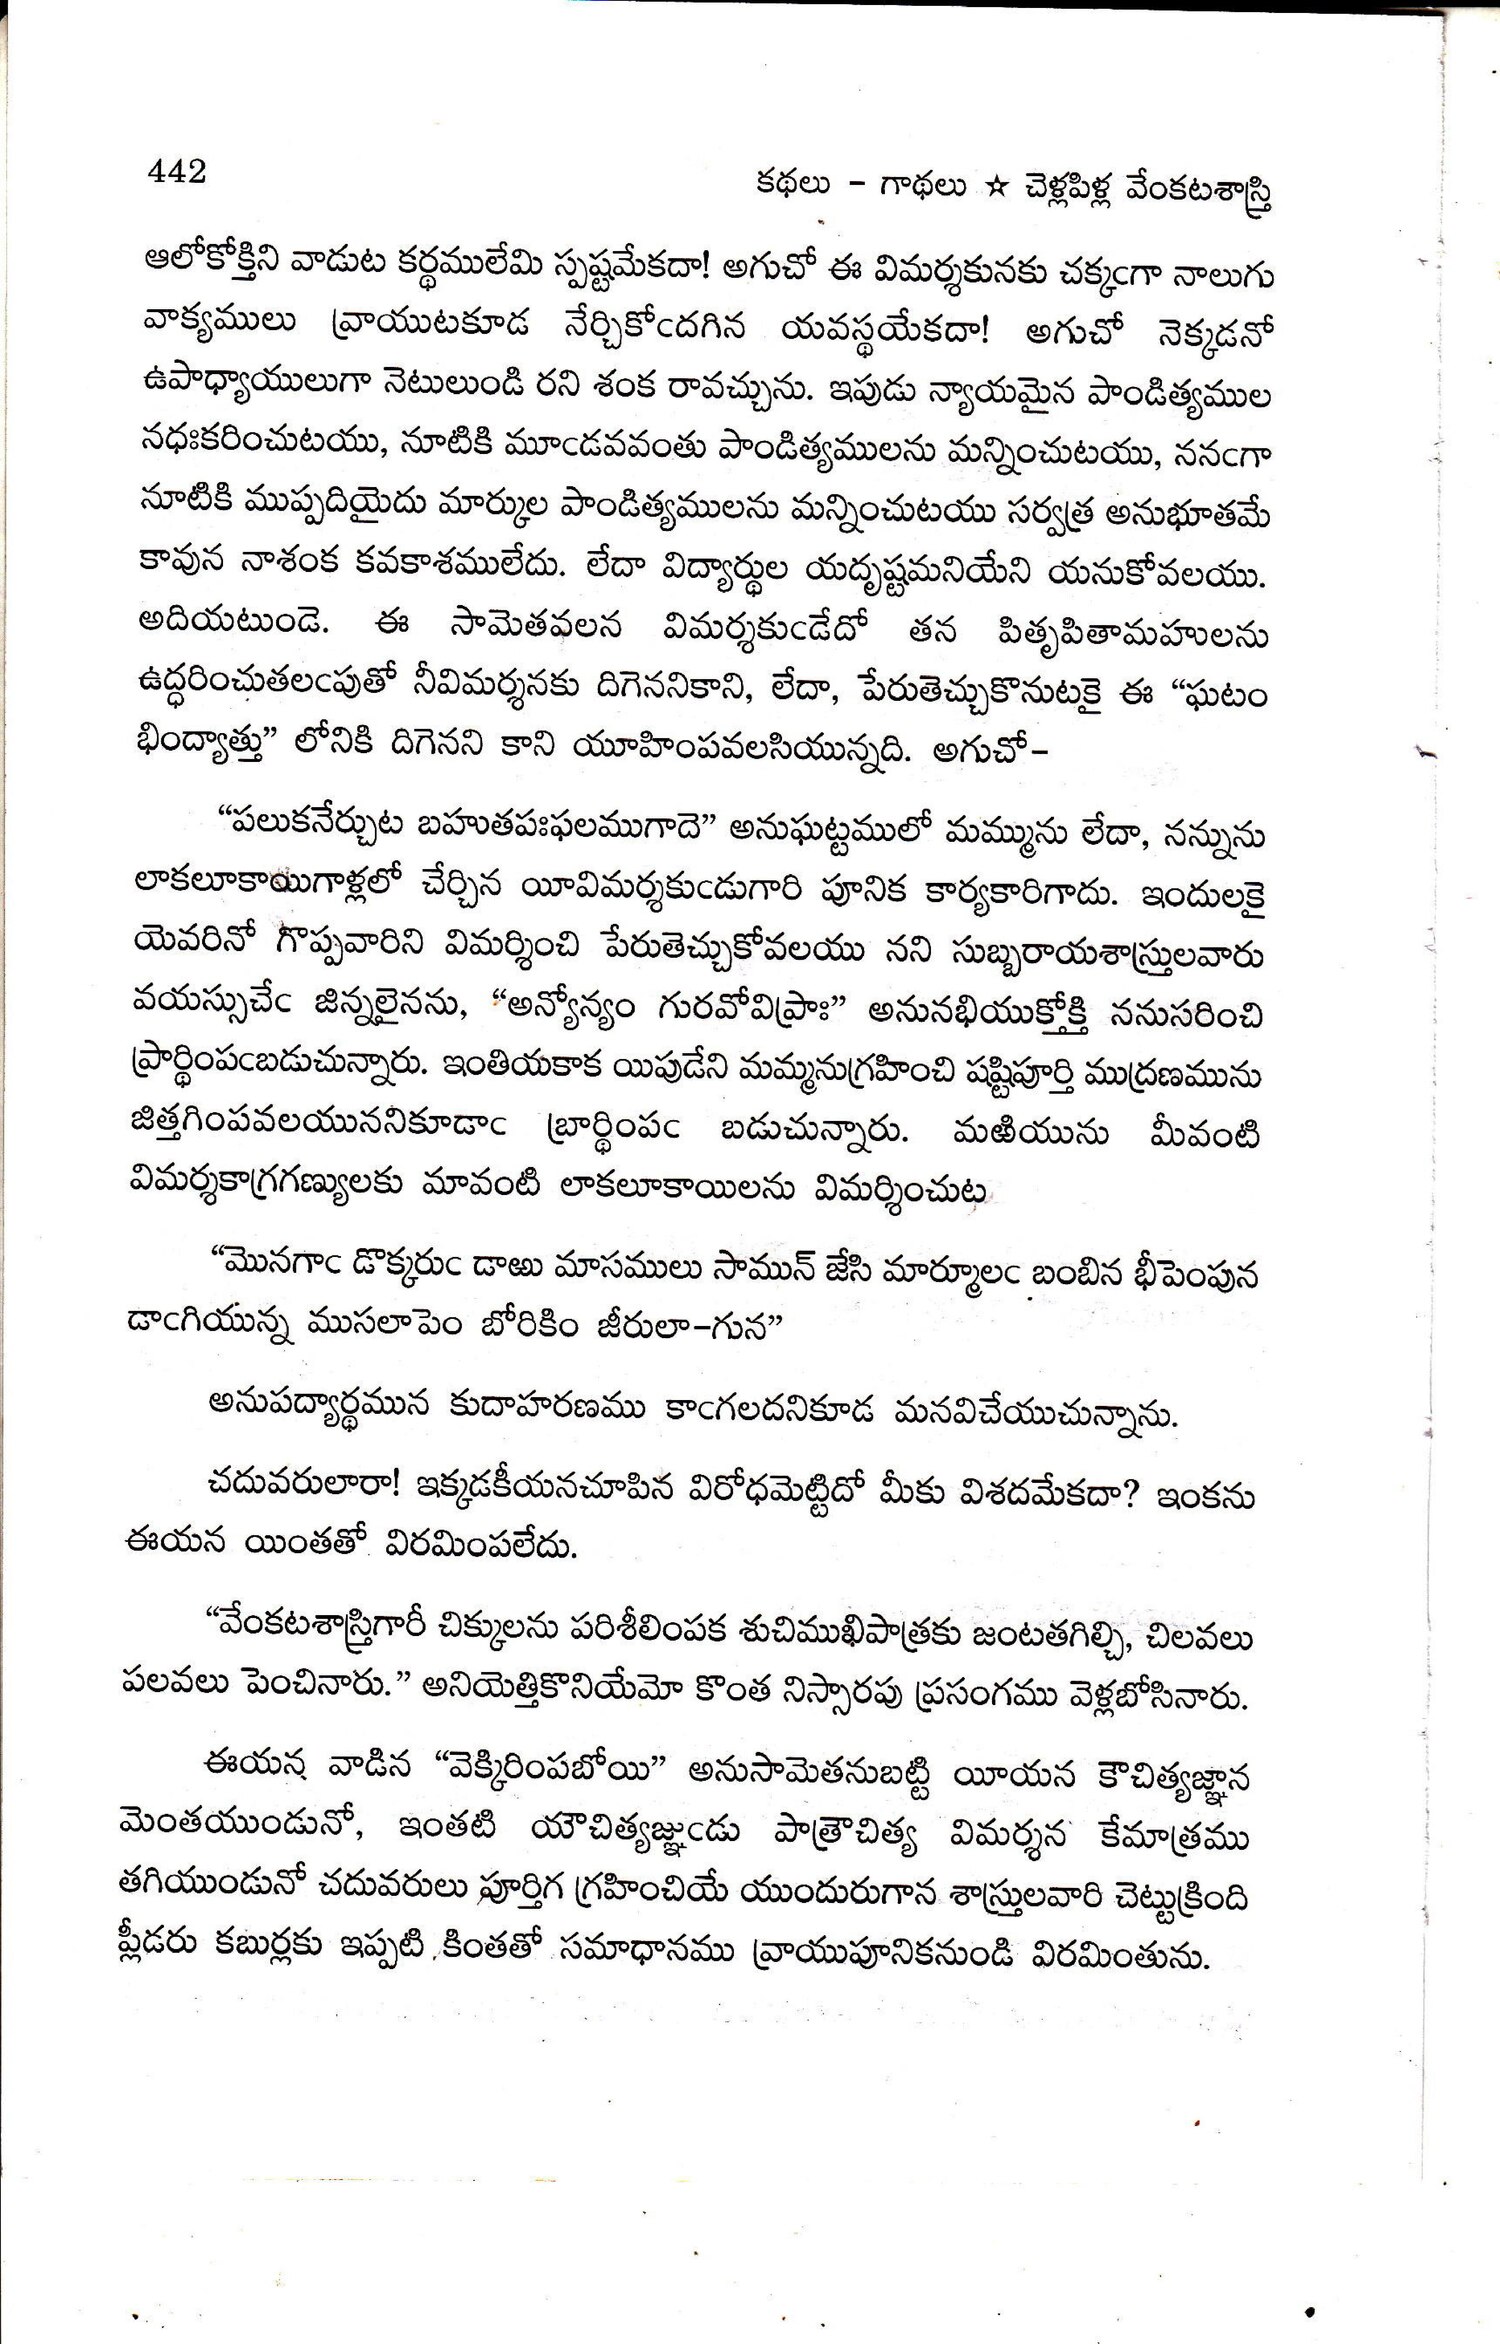ఆలోకోక్తిని వాడుట కర్థములేమి స్పష్టమేకదా! అగుచో ఈ విమర్శకునకు చక్కఁగా నాలుగు వాక్యములు వ్రాయుటకూడ నేర్చికోఁదగిన యవస్థయేకదా! అగుచో నెక్కడనో ఉపాధ్యాయులుగా నెటులుండి రని శంక రావచ్చును. ఇపుడు న్యాయమైన పాండిత్యముల నధఃకరించుటయు, నూటికి మూఁడవవంతు పాండిత్యములను మన్నించుటయు, ననఁగా నూటికి ముప్పదియైదు మార్కుల పాండిత్యములను మన్నించుటయు సర్వత్ర అనుభూతమే కావున నాశంక కవకాశములేదు. లేదా విద్యార్థుల యదృష్టమనియేని యనుకోవలయు. అదియటుండె. ఈ సామెతవలన విమర్శకుఁడేదో తన పితృపితామహులను ఉద్ధరించుతలఁపుతో నీవిమర్శనకు దిగెననికాని, లేదా, పేరుతెచ్చుకొనుటకై ఈ "ఘటం భింద్యాత్తు" లోనికి దిగెనని కాని యూహింపవలసియున్నది. అగుచో

“పలుకనేర్చుట బహుతపఃఫలముగాదె" అనుఘట్టములో మమ్మును లేదా, నన్నును లాకలూకాయిగాళ్లలో చేర్చిన యీవిమర్శకుఁడుగారి పూనిక కార్యకారిగాదు. ఇందులకై యెవరినో గొప్పవారిని విమర్శించి పేరుతెచ్చుకోవలయు నని సుబ్బరాయశాస్త్రులవారు వయస్సుచేఁ జిన్నలైనను, “అన్యోన్యం గురవోవిప్రాః" అనునభియుక్తోక్తి ననుసరించి ప్రార్ధింపఁబడుచున్నారు. ఇంతియకాక యిపుడేని మమ్మనుగ్రహించి షష్టిపూర్తి ముద్రణమును జిత్తగింపవలయుననికూడాఁ బ్రార్ధింపఁ బడుచున్నారు. మఱియును మీవంటి విమర్శకాగ్రగణ్యులకు మావంటి లాకలూకాయిలను విమర్శించుట

“మొనగాఁ డొక్కరుఁ డాఱు మాసములు సామున్ జేసి మార్మూలఁ బంబిన భీపెంపున డాఁగియున్న ముసలాపెం బోరికిం జీరులా-గున”

అనుపద్యార్ధమున కుదాహరణము కాఁగలదనికూడ మనవిచేయుచున్నాను.

చదువరులారా! ఇక్కడకీయనచూపిన విరోధమెట్టిదో మీకు విశదమేకదా? ఇంకను ఈయన యింతతో విరమింపలేదు.

"వేంకటశాస్త్రిగారీ చిక్కులను పరిశీలింపక శుచిముఖిపాత్రకు జంటతగిల్చి, చిలవలు పలవలు పెంచినారు.” అనియెత్తికొనియేమో కొంత నిస్సారపు ప్రసంగము వెళ్లబోసినారు.

ఈయన వాడిన "వెక్కిరింపబోయి” అనుసామెతనుబట్టి యీయన కౌచిత్యజ్ఞాన మెంతయుండునో, ఇంతటి యాచిత్యజ్ఞుఁడు పాత్రౌచిత్య విమర్శన కేమాత్రము తగియుండునో చదువరులు పూర్తిగ గ్రహించియే యుందురుగాన శాస్త్రులవారి చెట్టుక్రింది ప్లీడరు కబుర్లకు ఇప్పటి కింతతో సమాధానము వ్రాయుపూనికనుండి విరమింతును.